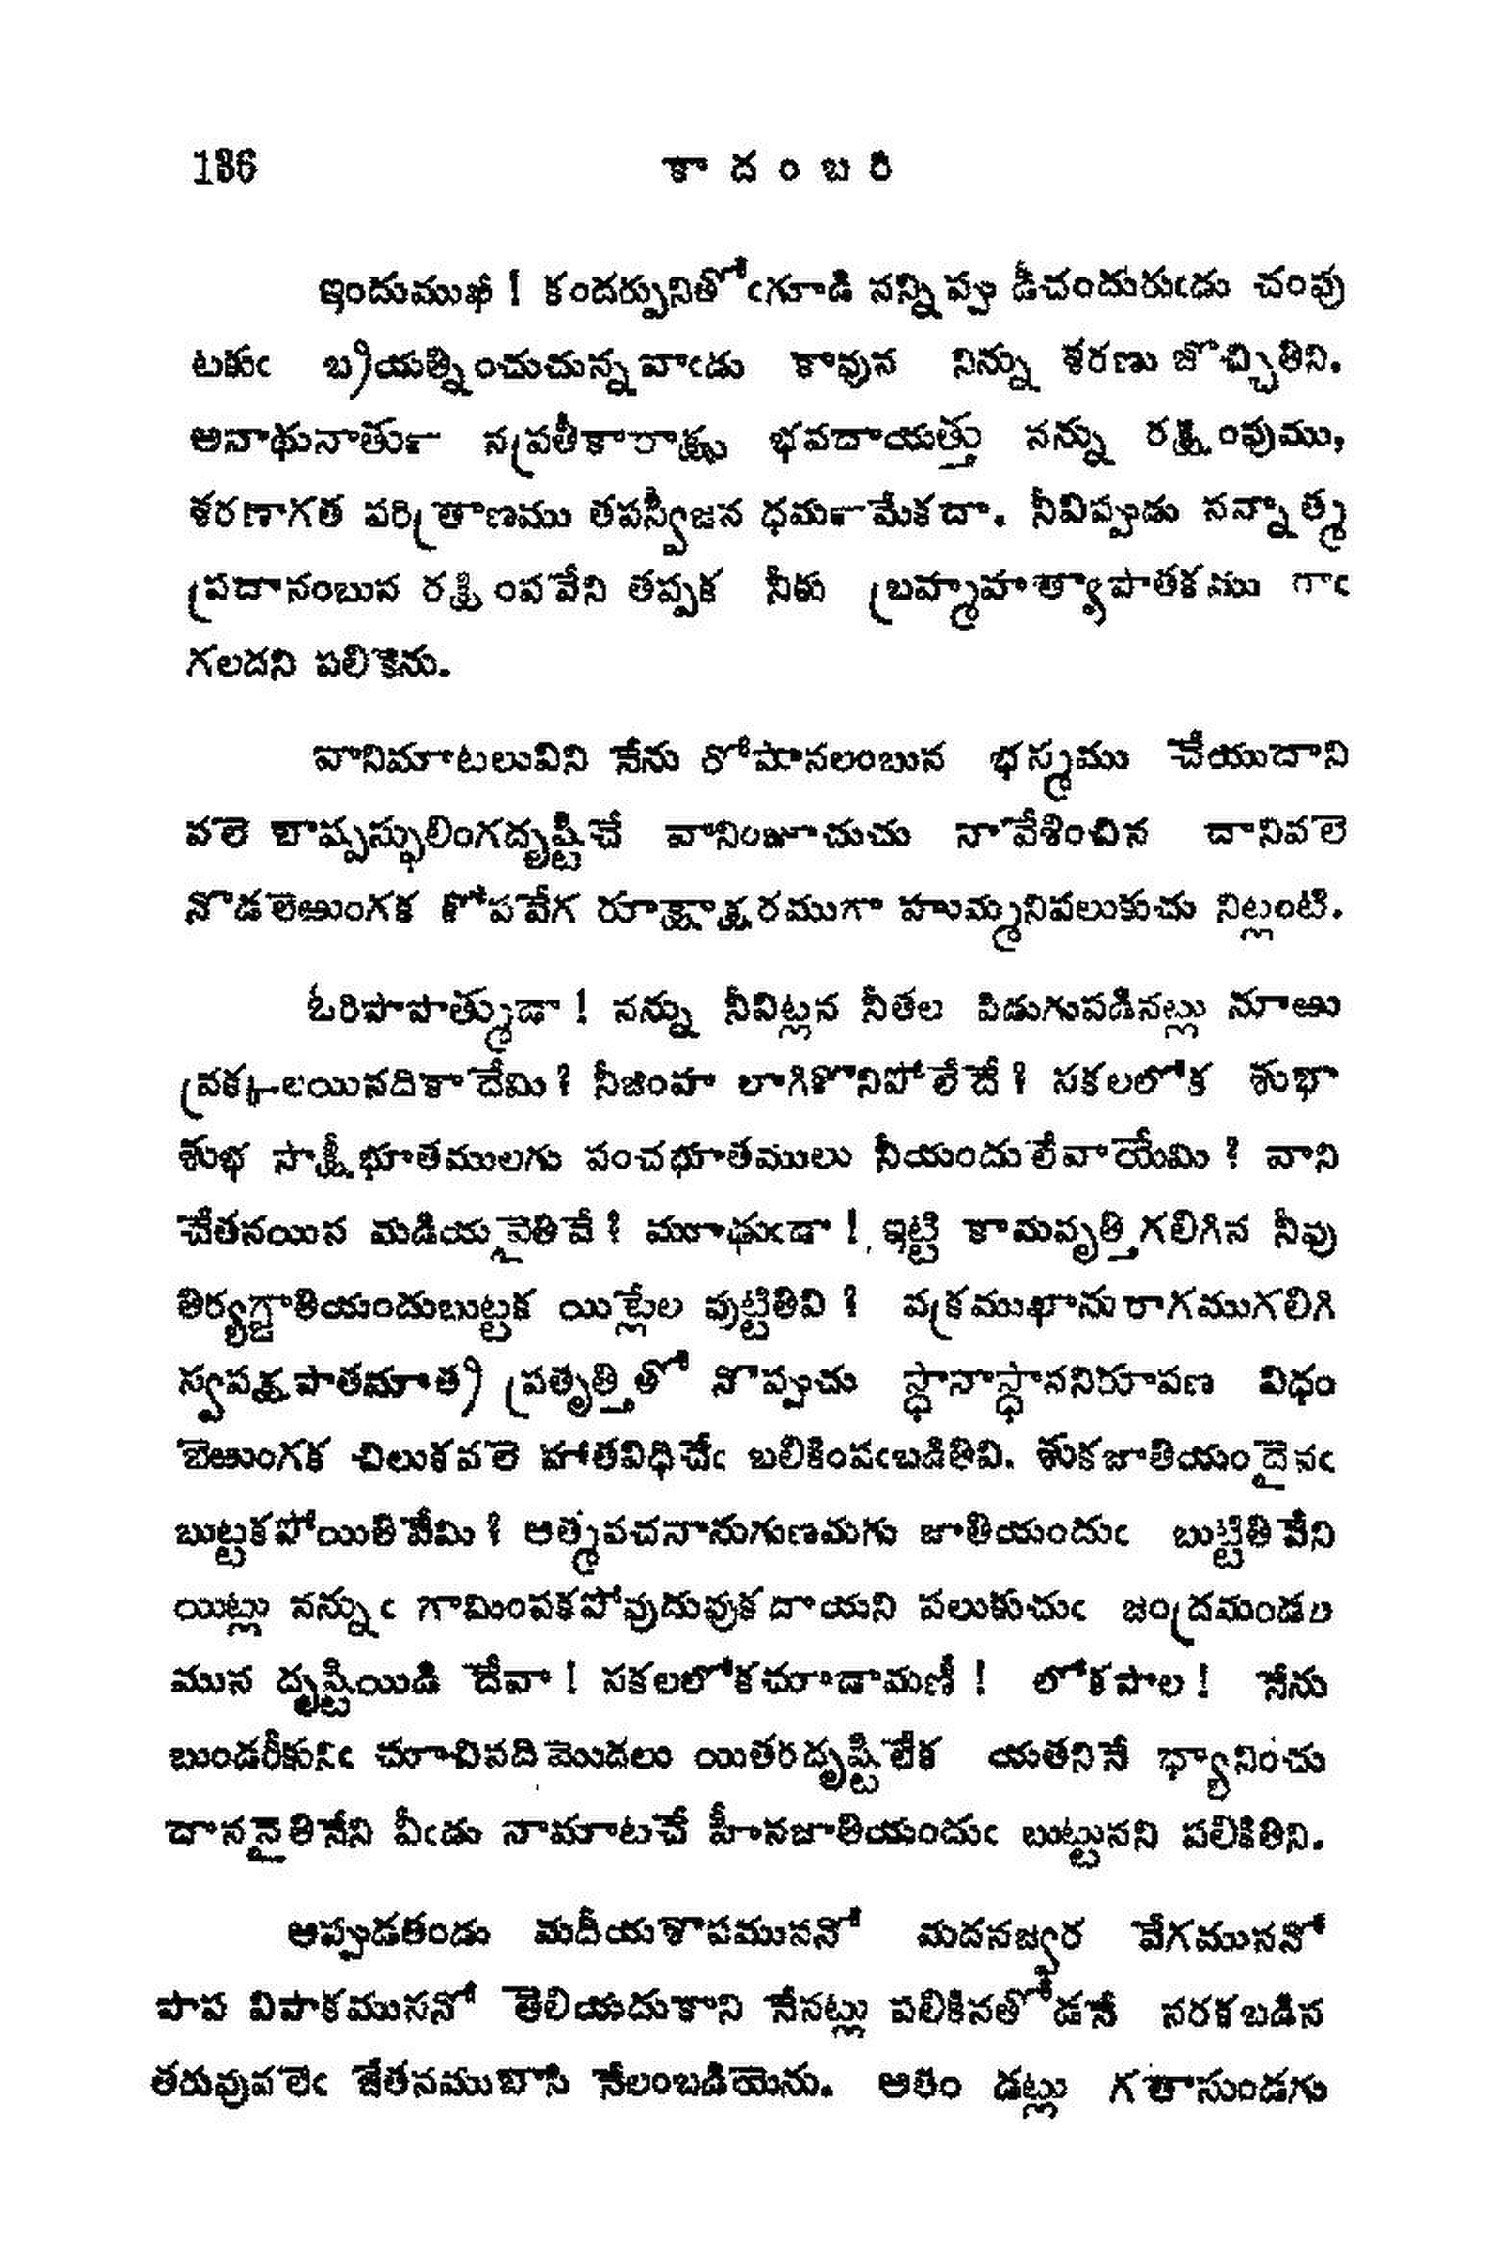ఇందుముఖీ! కందర్పునితోఁగూడి నన్నిప్పు డీచందురుఁడు చంపుటకుఁ బ్రయత్నించుచున్నవాఁడు కావున నిన్ను శరణు జొచ్చితిని. అనాథునాతు౯ నవ్రతీకారాక్షు భవదాయత్తు నన్ను రక్షింపుము, శరణాగత పరిత్రాణము తపస్వీజన ధమ౯మేకదా. నీవిప్పుడు నన్నాత్మ ప్రదానంబున రక్షింపవేని తప్పక నీకు బ్రహ్మహత్యాపాతకము గాఁ గలదని పలికెను.

వానిమాటలువిని నేను రోషానలంబున భస్మము చేయుదానివలె బాష్పస్ఫులింగదృష్టిచే వానింజూచుచు నావేశించిన దానివలె నొడలెఱుంగక కోపవేగ రూక్షాక్షరముగా హుమ్మనిపలుకుచు నిట్లంటి.

ఓరిపాపాత్ముడా! నన్ను నీవిట్లన నీతల పిడుగుపడినట్లు నూఱు వ్రక్కలయినదికాదేమి? నీజింహ లాగికొనిపోలేదే? సకలలోక శుభా శుభ సాక్షీభూతములగు పంచభూతములు నీయందులేవాయేమి? వాని చేతనయిన మడియవైతివే? మూఢుఁడా! ఇట్టి కామవృత్తిగలిగిన నీవు తిర్యగ్జాతియందుబుట్టక యిట్లేల పుట్టితివి? వక్రముఖానురాగముగలిగి స్వపక్షపాతమాత్ర ప్రతృత్తితో నొప్పుచు స్థానాస్థాననిరూపణ విధం బెఱుంగక చిలుకవలె హాతవిధిచేఁ బలికింపఁబడితివి. శుకజాతియందైనఁ బుట్టకపోయితివేమి? ఆత్మవచనానుగుణమగు జాతియందుఁ బుట్టితివేని యిట్లు నన్నుఁ గామింపకపోవుదువుకదాయని పలుకుచుఁ జంద్రమండలమున దృష్టియిడి దేవా! సకలలోకచూడామణీ! లోకపాల! నేను బుండరీకునిఁ చూచినదిమొదలు యితరదృష్టిలేక యతనినే ధ్యానించు దాననైతినేని వీఁడు నామాటచే హీనజాతియందుఁ బుట్టునని పలికితిని.

అప్పుడతండు మదీయశాపముననో మదనజ్వర వేగముననో పాప విపాకముననో తెలియదుకాని నేనట్లు పలికినతోడనే నరకబడిన తరువువలెఁ జేతనముబాసి నేలంబడియెను. అతం డట్లు గతాసుండగు